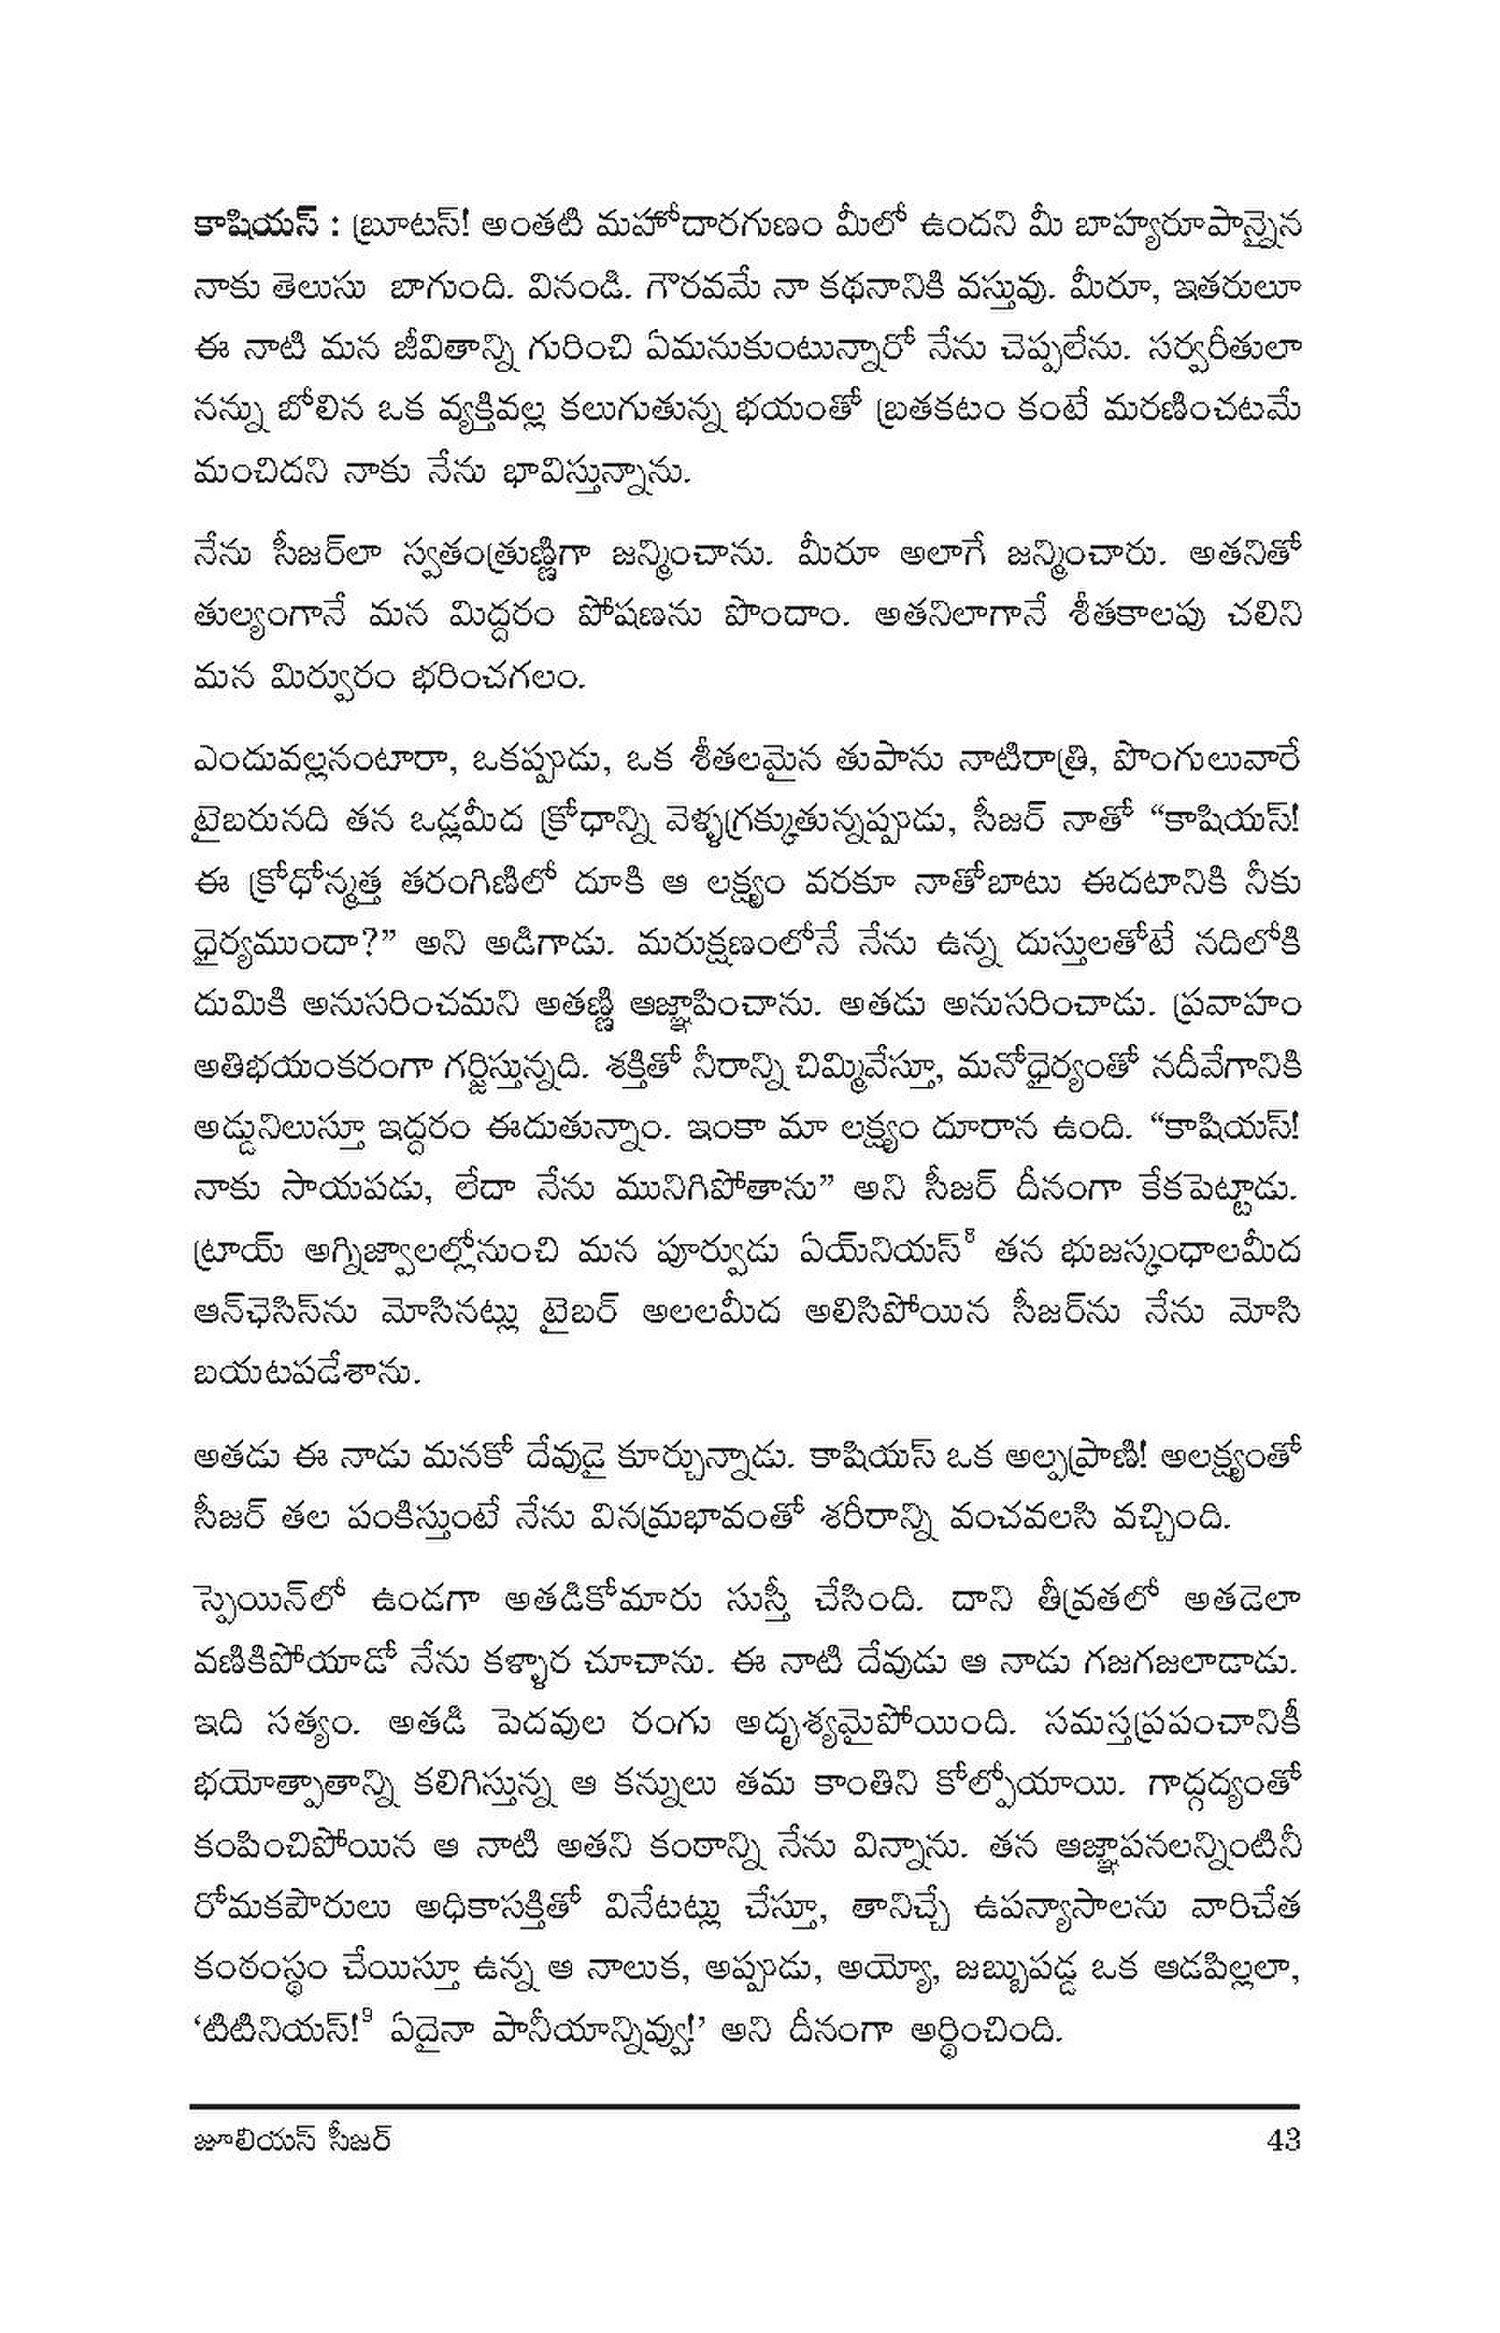కాషియస్ : బ్రూటస్! అంతటి మహోదారగుణం మీలో ఉందని మీ బాహ్యరూపాన్నైన నాకు తెలుసు బాగుంది. వినండి. గౌరవమే నా కథనానికి వస్తువు. మీరూ, ఇతరులూ ఈ నాటి మన జీవితాన్ని గురించి ఏమనుకుంటున్నారో నేను చెప్పలేను. సర్వరీతులా నన్ను బోలిన ఒక వ్యక్తివల్ల కలుగుతున్న భయంతో బ్రతకటం కంటే మరణించటమే మంచిదని నాకు నేను భావిస్తున్నాను.

నేను సీజర్ లా స్వతంత్రుణ్ణిగా జన్మించాను. మీరూ అలాగే జన్మించారు. అతనితో తుల్యంగానే మన మిద్దరం పోషణను పొందాం. అతనిలాగానే శీతకాలపు చలిని మన మిర్వురం భరించగలం.

ఎందువల్లనంటారా, ఒకప్పుడు, ఒక శీతలమైన తుపాను నాటిరాత్రి, పొంగులువారే టైబరునది తన ఒడ్లమీద క్రోధాన్ని వెళ్ళగక్కుతున్నప్పుడు, సీజర్ నాతో "కాషియస్! ఈ క్రోధోన్మత్త తరంగిణిలో దూకి ఆ లక్ష్యం వరకూ నాతోబాటు ఈదటానికి నీకు ధైర్యముందా?" అని అడిగాడు. మరుక్షణంలోనే నేను ఉన్న దుస్తులతోటే నదిలోకి దుమికి అనుసరించమని అతణ్ణి ఆజ్ఞాపించాను. అతడు అనుసరించాడు. ప్రవాహం అతిభయంకరంగా గర్జిస్తున్నది. శక్తితో నీరాన్ని చిమ్మివేస్తూ, మనో ధైర్యంతో నదీవేగానికి అడ్డునిలుస్తూ ఇద్దరం ఈదుతున్నాం. ఇంకా మా లక్ష్యం దూరాన ఉంది. "కాషియస్! నాకు సాయపడు, లేదా నేను మునిగిపోతాను" అని సీజర్ దీనంగా కేకపెట్టాడు. ట్రాయ్ అగ్నిజ్వాలల్లో నుంచి మన పూర్వుడు ఏయే నియస్' తన భుజస్కంధాల మీద ఆన్ చెసిస్ ను మోసినట్లు టైబర్ అలలమీద అలిసిపోయిన సీజర్ ను నేను మోసి బయటపడేశాను.

అతడు ఈ నాడు మనకో దేవుడై కూర్చున్నాడు. కాషియస్ ఒక అల్పప్రాణి! అలక్ష్యంతో సీజర్ తల పంకిస్తుంటే నేను వినమ్రభావంతో శరీరాన్ని వంచవలసి వచ్చింది.

స్పెయిన్ లొ ఉండగా అతడికోమారు సుస్తీ చేసింది. దాని తీవ్రతలో అతడెలా వణికిపోయాడో నేను కళ్ళార చూచాను. ఈ నాటి దేవుడు ఆ నాడు గజగజలాడాడు. ఇది సత్యం. అతడి పెదవుల రంగు అదృశ్యమైపోయింది. సమస్తప్రపంచానికీ
భయోత్పాతాన్ని కలిగిస్తున్న ఆ కన్నులు తమ కాంతిని కోల్పోయాయి. గాద్గద్యంతో కంపించిపోయిన ఆ నాటి అతని కంఠాన్ని నేను విన్నాను. తన ఆజ్ఞాపనలన్నింటినీ రోమకపౌరులు అధికాసక్తితో వినేటట్లు చేస్తూ, తానిచ్చే ఉపన్యాసాలను వారిచేత
కంఠంస్థం చేయిస్తూ ఉన్న ఆ నాలుక, అప్పుడు, అయ్యో, జబ్బుపడ్డ ఒక ఆడపిల్లలా, 'టిటినియస్!' ఏదైనా పానీయాన్నివ్వు!' అని దీనంగా అర్థించింది.